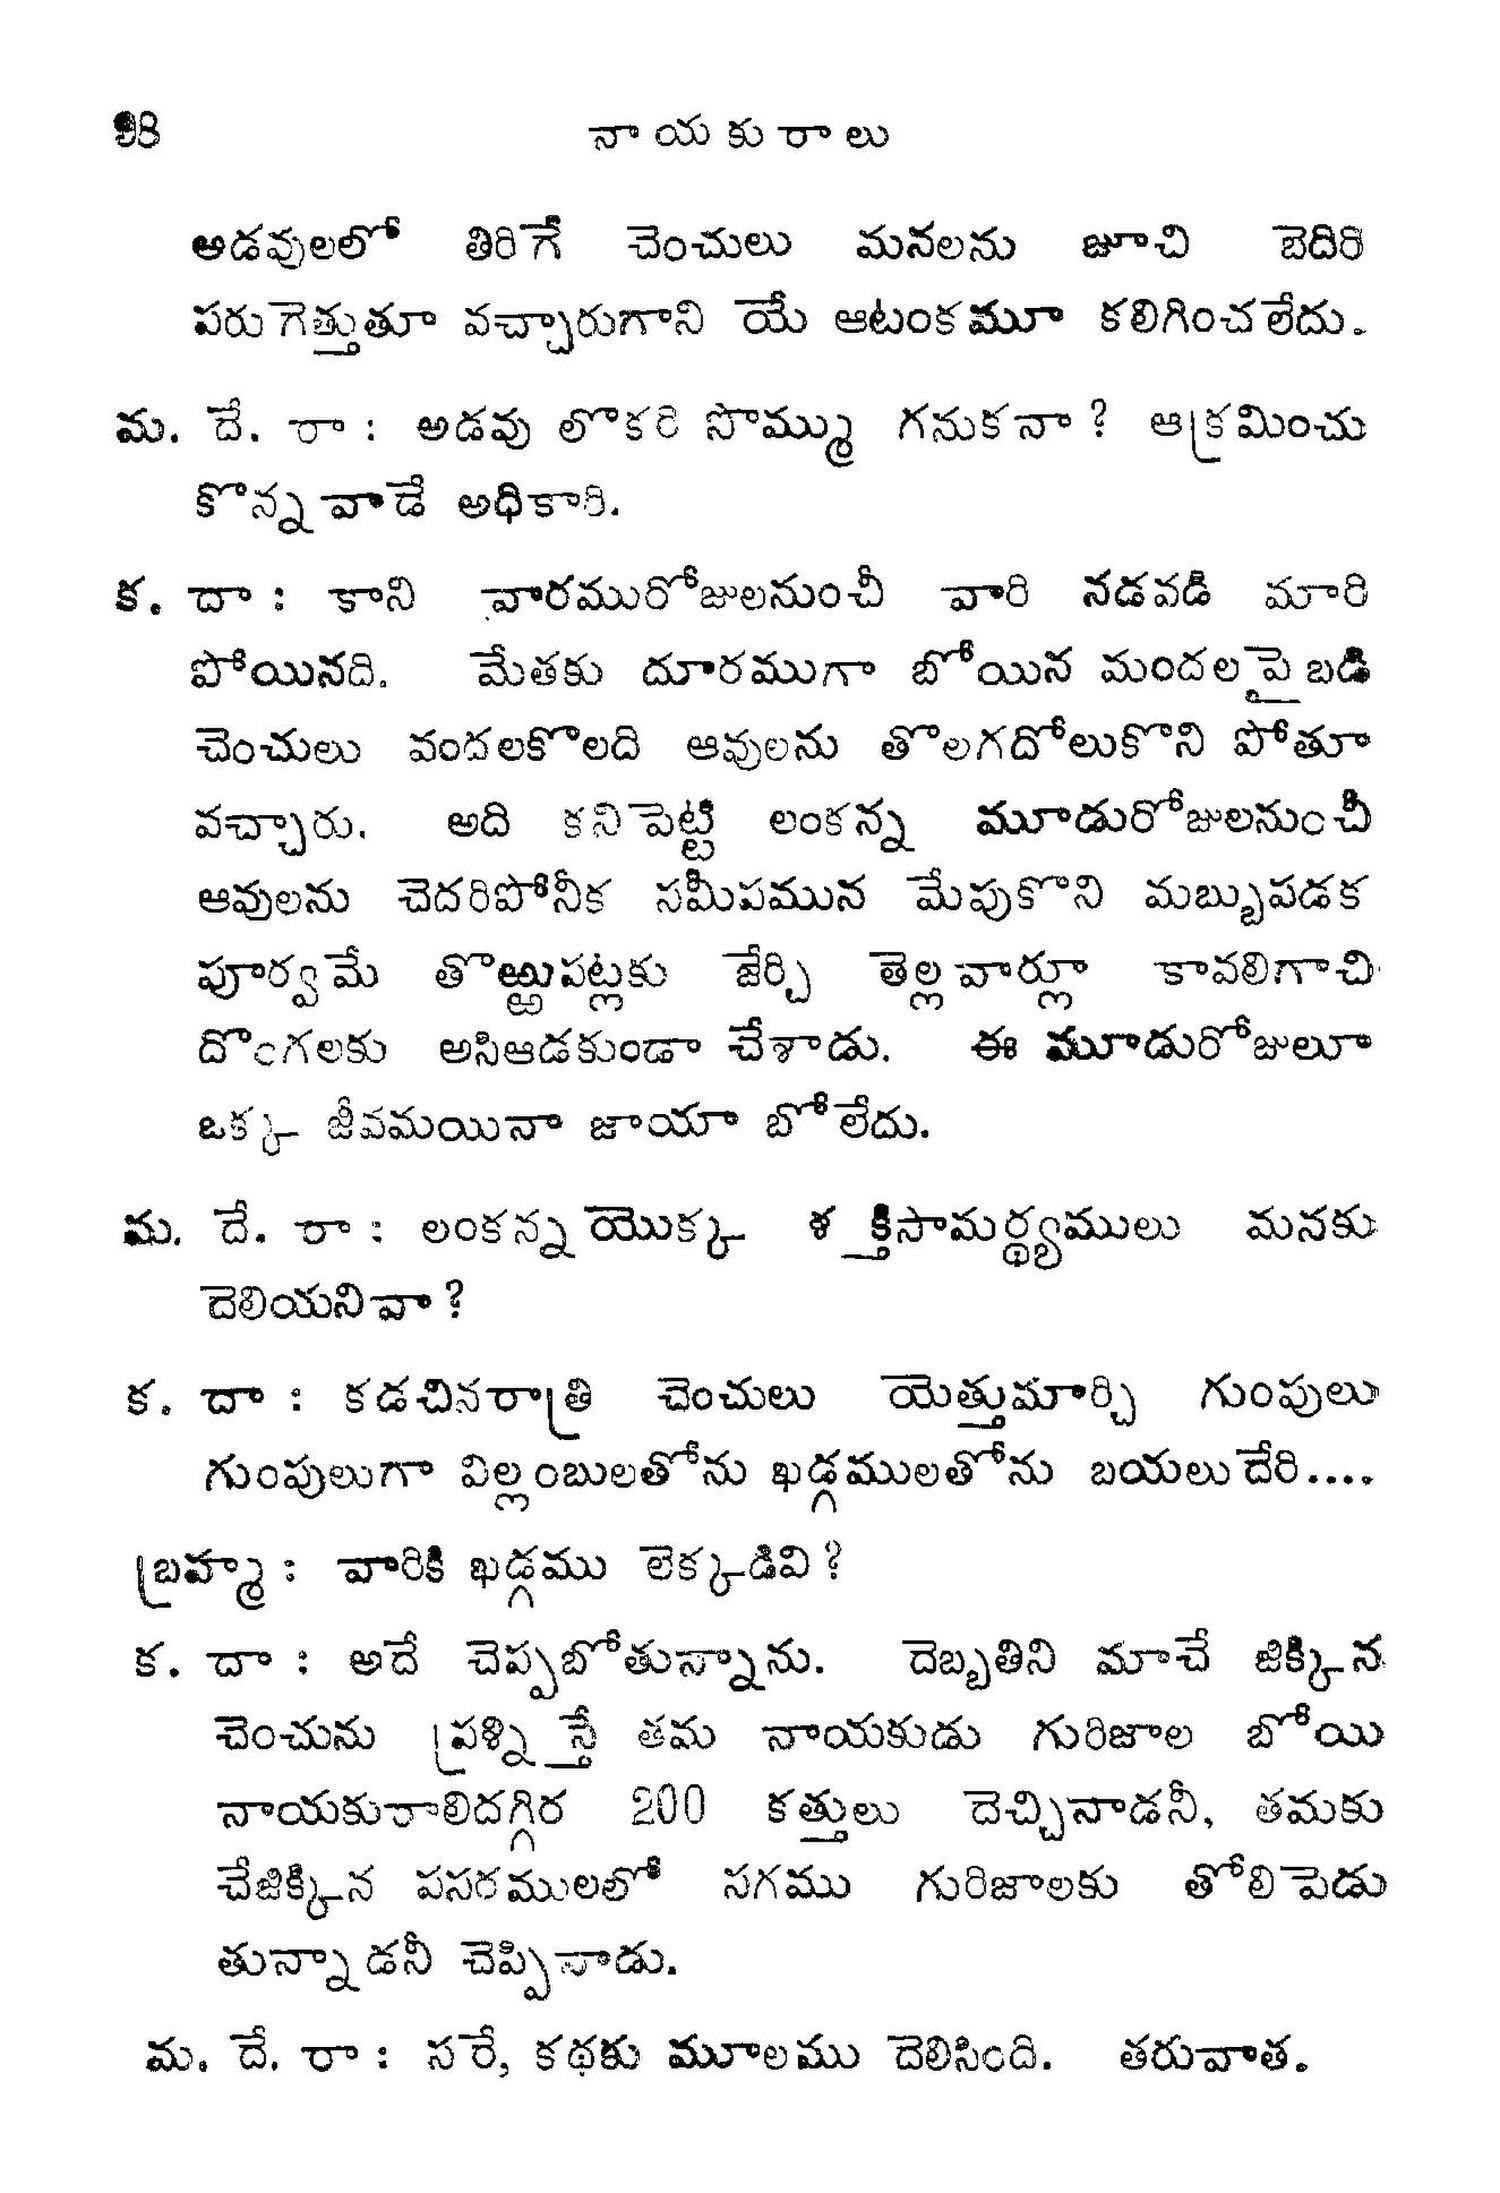అడవులలో తిరిగే చెంచులు మనలను జూచి బెదిరి పరుగెత్తుతూ వచ్చారుగాని యే ఆటంకము కలిగించలేదు.

మ. దే. రా : అడవు లొకరి సొమ్ము గనుకనా ? ఆక్రమించు కొన్న వాడే అధికారి.

క. దా : కాని వారమురోజులనుంచీ వారి నడవడి మారిపోయినది. మేతకు దూరముగా బోయిన మందలపైబడి చెంచులు వందలకొలది ఆవులను తొలగదోలుకొని పోతూ వచ్చారు. అది కని పెట్టి లంకన్న మూడురోజులనుంచీ ఆవులను చెదరిపోనీక సమీపమున మేపుకొని మబ్బుపడక పూర్వమే తొఱ్ఱుపట్లకు జేర్చి తెల్లవార్లూ కావలిగాచి, దొంగలకు అసిఆడకుండా చేశాడు. ఈ మూడురోజులూ
ఒక్క జీవమయినా జాయా బోలేదు.

మ. దే. రా : లంకన్నయొక్క శక్తిసామర్థ్యములు మనకు దెలియనివా?

క. దా : కడచినరాత్రి చెంచులు యెత్తుమార్చి గుంపులు గుంపులుగా విల్లంబులతోను ఖడ్గములతోను బయలు దేరి ....

బ్రహ్మ : వారికి ఖడ్గము లెక్కడివి ?

క. దా : అదే చెప్పబోతున్నాను. దెబ్బతిని మాచే జిక్కిన చెంచును ప్రశ్నిస్తే తమ నాయకుడు గురిజాల
బోయి నాయకురాలిదగ్గిర 200 కత్తులు దెచ్చినాడనీ, తమకు చేజిక్కిన పసరములలో సగము గురిజాలకు తోలిపెడుతున్నాడనీ చెప్పినాడు.

మ. దే. రా : సరే, కథకు మూలము దెలిసింది. తరువాత.